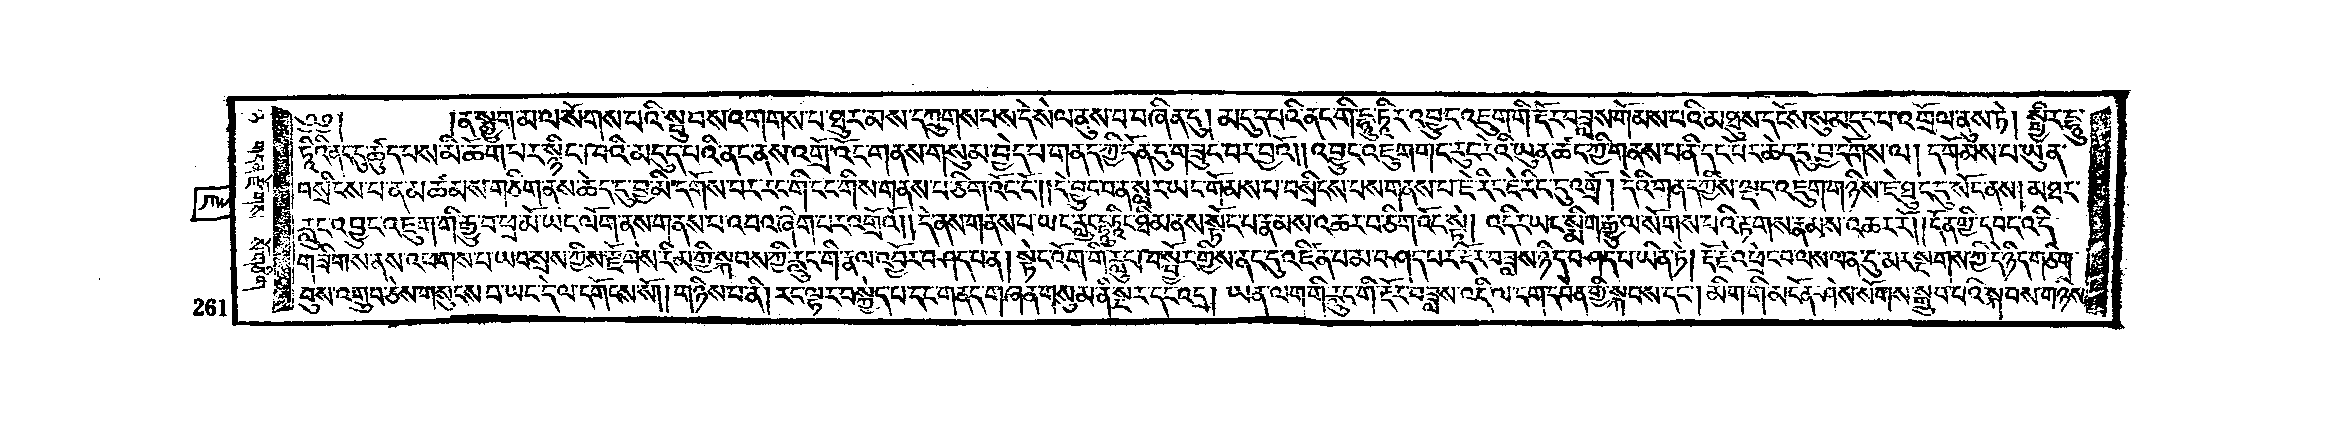༄༅། །ན་སྨྱུག་མ་ལ་སོགས་པའི་སྦུབས་འགགས་པ་ཐུར་མས་དཀྲུགས་པས་དེ་སེལ་ནུས་པ་བཞིན་དུ། མདུད་པའི་ནང་གི་དྷཱུ་ཏཱིར་འབྱུང་འཇུག་གི་རྡོར་བཟླས་གོམས་པའི་མཐུས་དངོས་སུ་མདུང་པ་འགྲོལ་ནུས་ཏེ། སྤྱིར་དྷཱུ་
ཏཱིའི་ནང་དུ་ཚུད་པས་མི་ཆོག་པར་སྙིང་ཁའི་མདུད་པའི་ནང་ནས་འགྲོ་འོང་གནས་གསུམ་བྱེད་པ་གནད་ཀྱི་དོན་དུ་གཟུང་བར་བྱའོ། །འབྱུང་འཇུག་གང་རུང་རེའི་ཡུན་ཚད་ཀྱི་གནད་པ་ནི་དང་པོར་ཆེད་དུ་བྱ་དགོས་ལ། དེ་གོམས་པ་ཡུན་
བསྲིངས་པ་ན་མཚམས་གཅིག་ནས་ཆེད་དུ་བྱ་མི་དགོས་པར་རང་གི་ངང་གིས་གནས་པ་ཅིག་འོང་ངོ། །དེ་བྱུང་བ་ན་སླར་ཡང་གོམས་པ་བསྲིངས་པས་གནས་པ་ཇེ་རིང་ཇེ་རིང་ཇེ་རིང་དུ་འགྲོ། དེའི་གནད་ཀྱིས་ལྡང་འཇུག་གཉིས་ཇེ་ཐུང་དུ་སོང་ནས། མཐར་
རླུང་འབྱུང་འཇུག་གི་རྒྱུ་བ་ཕྲ་མོ་ཡང་ལོག་ནས་གནས་པ་འབའ་ཞིག་པར་འགྲོའོ། །དེ་ནས་གནས་པ་ཡང་རླུང་དྷཱུ་ཏཱིར་ཐིམ་ནས་སྟོང་པ་རྣམས་འཆར་བ་ཅིག་འོང་སྟེ། འདིར་ཡང་སྨིག་རྒྱུ་ལ་སོགས་པའི་རྟགས་རྣམས་འཆར་རོ། །དོན་གྱི་དབང་འདི་
གཟིགས་ནས་འཕགས་པ་ཡབ་སྲས་ཀྱིས་རྫོགས་རིམ་གྱི་སྐབས་ཀྱི་རླུང་གི་རྣལ་འབྱོར་བཤད་པ་ན། སྟེང་འོག་གི་རླུང་ཁ་སྦྱོར་གྱིས་ནང་དུ་འཛིན་པ་མ་བཤད་པར་རྡོར་བཟླས་ཉིད་བཤད་པ་ཡིན་ཏེ། རྡོ་རྗེ་འཕྲེང་བ་ལས་ལན་དུ་མར་སྔགས་ཀྱི་དེ་ཉིད་གཅིག་
བུས་འགྲུབ་ཅེས་གསུངས་པ་ཡང་དེ་ལ་དགོངས་སོ། །གཉིས་པ་ནི། རང་ལྟར་བསྐྱེད་པ་དང་གནད་གཞན་གསུམ་ནི་སྔར་དང་འདྲ། ཡན་ལག་གི་རླུང་གི་རྡོར་བཟླས་འདི་ལ་ངག་དབེན་གྱི་སྐབས་དང་། མིག་གི་མངོན་ཤེས་སོགས་སྒྲུབ་པའི་སྐབས་གཉིས་